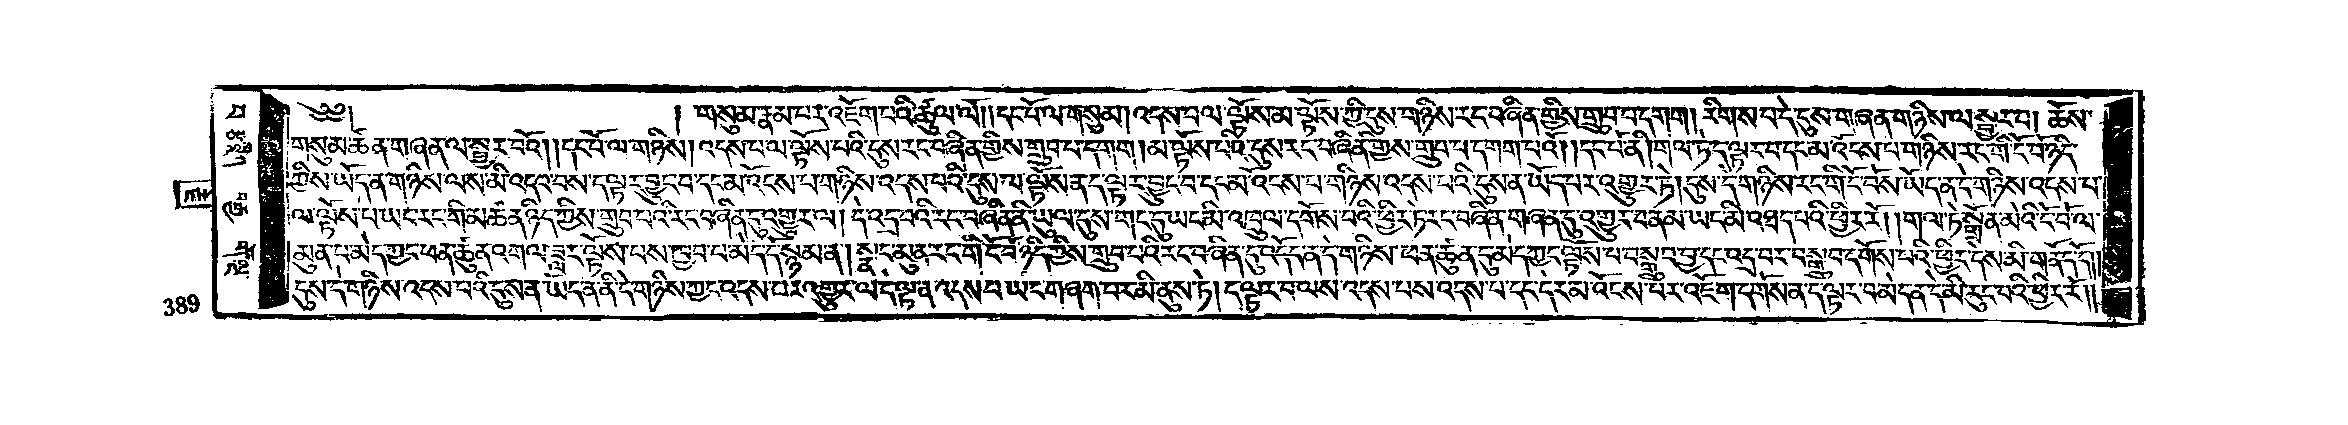༄༅། །གསུམ་རྣམ་པར་འཇོག་པའི་ཚུལ་ལོ། །དང་པོ་ལ་གསུམ། འདས་པ་ལ་ལྟོས་མ་ལྟོས་ཀྱི་དུས་གཉིས་རང་བཞིན་གྱིས་གྲུབ་པ་དགག །རིགས་པ་དེ་དུས་གཞན་གཉིས་ལ་སྦྱར་བ། ཆོས་
གསུམ་ཚན་གཞན་ལ་སྦྱར་བའོ། །དང་པོ་ལ་གཉིས། འདས་པ་ལ་ལྟོས་པའི་དུས་རང་བཞིན་གྱིས་གྲུབ་པ་དགག །མ་ལྟོས་པའི་དུས་རང་བཞིན་གྱིས་གྲུབ་པ་དགག་པའོ། །དང་པོ་ནི། གལ་ཏེ་ད་ལྟར་བ་དང་མ་འོངས་པ་གཉིས་རང་གི་ངོ་བོ་ཉིད་
ཀྱིས་ཡོད་ན་གཉིས་ལས་མི་འདའ་བས་ད་ལྟར་བྱུང་བ་དང་མ་འོངས་པ་གཉིས་འདས་བའི་དུས་ལ་ལྟོས་ན་ད་ལྟར་བྱུང་བ་དང་མ་འོངས་པ་གཉིས་འདས་པའི་དུས་ན་ཡོད་པར་འགྱུར་ཏེ། དུས་དེ་གཉིས་རང་གི་ངོ་བོས་ཡོད་ན་དེ་གཉིས་འདས་པ་
ལ་ལྟོས་པ་ཡང་རང་གི་མཚན་ཉིད་ཀྱིས་གྲུབ་པའི་རང་བཞིན་དུ་འགྱུར་ལ། དེ་འདྲ་བའི་རང་བཞིན་ནི་ཡུལ་དུས་གང་དུ་ཡང་མི་འཁྲུལ་དགོས་པའི་ཕྱིར་ཏེ་རང་བཞིན་གཞན་དུ་འགྱུར་བ་ནམ་ཡང་མི་འཐད་པའི་ཕྱིར་རོ། །གལ་ཏེ་སྒྲོན་མེའི་ངོ་བོ་ལ་
མུན་པ་མེད་ཀྱང་ཕན་ཆུན་འགལ་ཟླར་ལྟོས་པས་ཁྱབ་པ་མེད་དོ་སྙམ་ན། སྣང་མུན་རང་གི་ངོ་བོ་ཉིད་ཀྱིས་གྲུབ་པའི་རང་བཞིན་དུ་འདོད་ན་དེ་གཉིས་ཕན་ཚུན་དུ་མེད་ཀྱང་ལྟོས་པ་བསྒྲུབ་བྱ་དང་འདྲ་བར་བསྒྲུབ་དགོས་པའི་ཕྱིར་དེས་མི་གནོད་དོ།།
དུས་དེ་གཉིས་འདས་པའི་དུས་ན་ཡོད་ན་ནི་དེ་གཉིས་ཀྱང་འདས་པར་འགྱུར་ལ་དེ་ལྟ་ན་འདས་པ་ཡང་གཞག་པར་མི་ནུས་ཏེ། ད་ལྟར་བ་ལས་འདས་པས་འདས་པ་དང་དེར་མ་འོངས་པར་འཇོག་དགོས་ན་དེ་ལྟར་བ་མེད་ན་དེ་མི་རུང་བའི་ཕྱིར་རོ།།